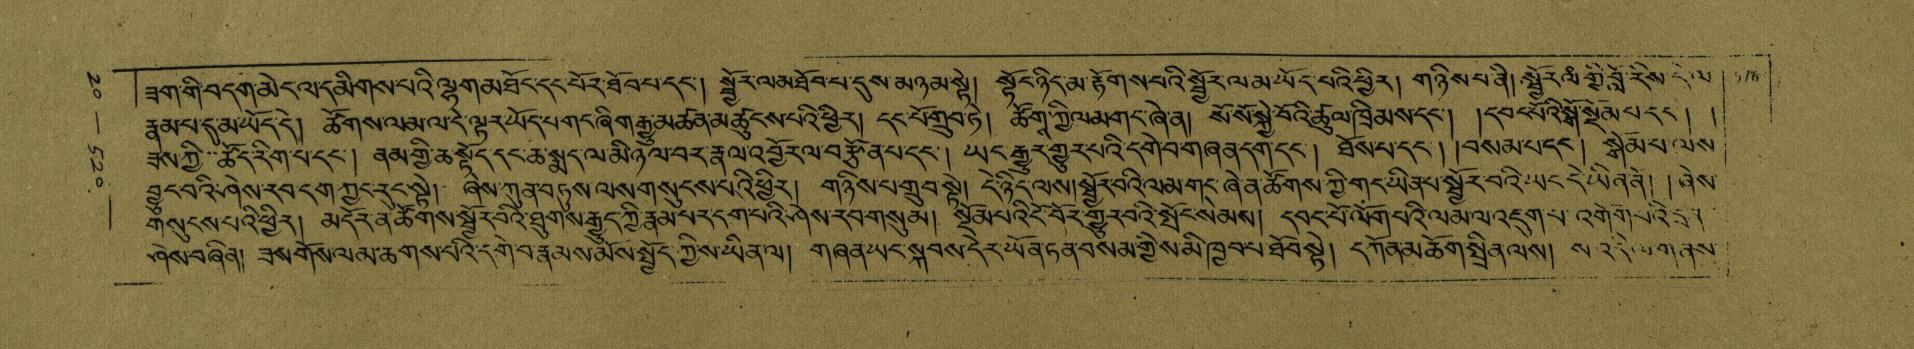ཟག་གི་བདག་མེད་ལ་དམིགས་པའི་ལྷག་མཐོང་དང་པོར་ཐོབ་པ་དང་། སྦྱོར་ལམ་ཐོབ་པ་དུས་མཉམ་སྟེ། སྟོང་ཉིད་མ་རྟོགས་པའི་སྦྱོར་ལམ་ཡོད་པའི་ཕྱིར། གཉིས་པ་ནི། སྦྱོར་ལཾ་གྱི་བློ་རིས་དེ་ལ་
རྣམ་པ་དུ་མ་ཡོད་དེ། ཚོགས་ལམ་ལ་དེ་ལྟར་ཡོད་པ་གང་ཞིག་རྒྱུ་མཚན་མཚུངས་པའི་ཕྱིར། དང་པོ་གྲུབ་སྟེ། ཚོགས་ཀྱི་ལམ་གང་ཞེ་ན། སོ་སོ་སྐྱེ་བའི་ཚུལ་ཁྲིམས་དང་། །དབང་པོའི་སྒོ་སྡོམ་པ་དང་། །
ཟས་ཀྱི་ཚོད་རིག་པ་དང་། ནམ་གྱི་ཆ་སྟོད་དང་ཆ་སྨད་ལ་མི་ཉལ་བར་རྣལ་འབྱོར་ལ་བརྩོན་པ་དང་། ཡང་རྒྱུར་གྱུར་པའི་དགེ་བ་གཞན་དག་དང་། ཐོས་པ་དང་། །བསམ་པ་དང་། སྒོམ་པ་ལས་
བྱུང་བའི་ཤེས་རབ་དག་ཀྱང་རུང་སྟེ། ཞེས་ཀུན་བཏུས་ལས་གསུངས་པའི་ཕྱིར། གཉིས་པ་གྲུབ་སྟེ། དེ་ཉིད་ལས། སྦྱོར་བའི་ལམ་གང་ཞེ་ན་ཚོགས་ཀྱི་གང་ཡིན་པ་སྦྱོར་བའི་ཡང་དེ་ཡིན་ནོ། །ཞེས་
གསུངས་པའི་ཕྱིར། མདོར་ན་ཚོགས་སྦྱོར་བའི་ཐུགས་རྒྱུད་ཀྱི་རྣམ་པར་དག་པའི་ཤེས་རབ་གསུམ། སྡོམ་པའི་ངོ་བོར་གྱུར་བའི་སྤོང་སེམས། དབང་པོ་ལོག་པའི་ལམ་ལ་འཇུག་པ་འགོག་པའི་དྲན་
ཤེས་བཞིན། ཟས་གོས་ལ་མ་ཆགས་པའི་དགེ་བ་རྣམས་མོས་སྤྱོད་ཀྱི་ས་ཡིན་ལ། གཞན་ཡང་སྐབས་དེར་ཡོན་ཏན་བསམ་གྱི་ས་མི་ཁྱབ་པ་ཐོབ་སྟེ། དཀོན་མཆོག་སྤྲིན་ལས། ས་འདི་ལ་གནས་